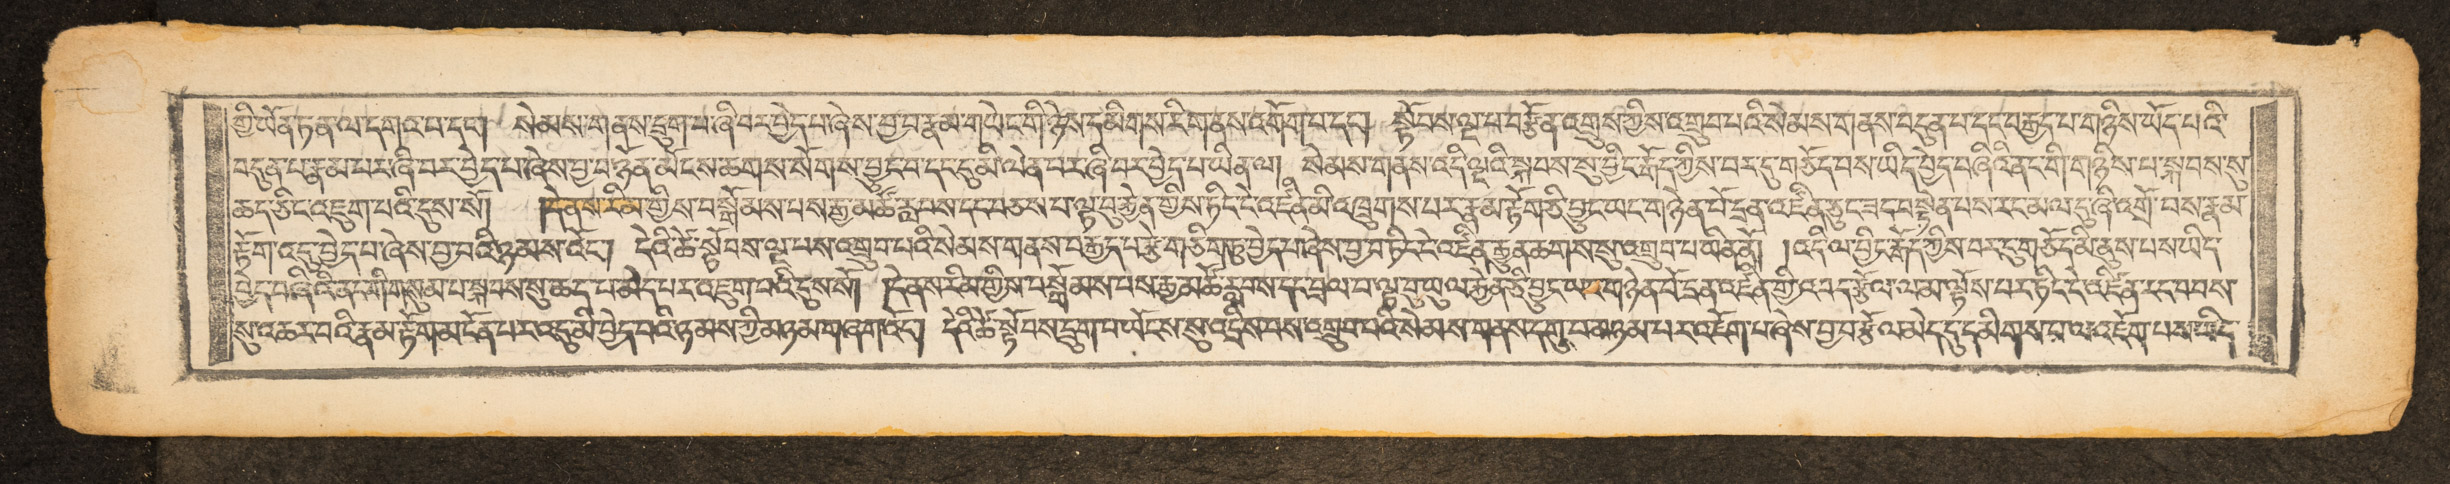གྱི་ཡོན་ཏན་ལ་དགའ་བ་དང་། སེམས་གནས་དྲུག་པ་ཞི་བར་བྱེད་པ་ཞེས་བྱ་བ་རྣམ་གཡེང་གི་ཉེས་དམིགས་རིག་ནས་འགོག་པ་དང་། སྟོབས་ལྔ་པ་བརྩོན་འགྲུས་ཀྱིས་འགྲུབ་པའི་སེམས་གནས་འདུན་པ་དང་བརྒྱད་པ་གཉིས་ཡོད་པའི་
བདུན་པ་རྣམ་པར་ཞི་བར་བྱེད་པ་ཞེས་བྱ་བ་ཉོན་མོངས་ཆགས་སོགས་བྱུང་བ་དང་དུ་མི་ལེན་པར་ཞི་བར་བྱེད་པ་ཡིན་ལ། སེམས་གནས་འདི་ལྔའི་སྐབས་སུ་བྱིང་རྒོད་ཀྱིས་བར་དུ་གཅོད་པས་ཡིད་བྱེད་བཞིའི་ནང་གི་གཉིས་པ་སྐབས་སུ་
ཆད་ཅིང་འཇུག་པའི་དུས་སོ། །དེ་ནས་རིམ་གྱིས་བསྒོམས་པས་རྒྱ་མཚོ་རླབས་དང་བཅས་པ་ལྟ་བུ་རྐྱེན་གྱིས་ཏིང་ངེ་འཛིན་མི་འཁྲུགས་པར་རྣམ་རྟོག་ཅི་བྱུང་ཡང་གཉེན་པོ་དྲན་འཛིན་ཅུང་ཟད་བསྟེན་པས་རང་མལ་དུ་ཞི་འགྲོ་བས་རྣམ་
རྟོག་འདུ་བྱེད་བ་ཞེས་བྱ་བའི་ཉམས་འོང་། དེའི་ཚེ་སྟོབས་ལྔ་བས་འགྲུབ་པའི་སེམས་གནས་བརྒྱད་པ་རྩེ་གཅིག་ཏུ་བྱེད་པ་ཞེས་བྱ་བ་ཏིང་ངེ་འཛིན་རྒྱུན་ཆགས་སུ་འགྲུབ་པ་ཡིན་ནོ། །འདི་ལ་བྱིང་རྒོད་ཀྱིས་བར་དུ་གཅོད་མི་ནུས་པས་ཡིད་
བྱེད་བཞིའི་ནང་གི་གསུམ་པ་སྐབས་སུ་ཆད་པ་མེད་པར་འཇུག་པའི་དུས་སོ། །དེ་ནས་རིམ་གྱིས་བསྒོམས་པས་རྒྱ་མཚོ་རླབས་དང་བྲལ་བ་ལྟ་བུ་ཡུལ་རྐྱེན་ཅི་བྱུང་ཡང་གཉེན་པོ་དྲན་འཛིན་གྱི་འབད་རྩོལ་ལམ་ལྟོས་པར་ཏིང་ངེ་འཛིན་རང་བབས་
སུ་འཆར་བའི་རྣམ་རྟོག་མངོན་པར་འདུ་མི་བྱེད་པའི་ཉམས་ཀྱི་མཉམ་གཞག་འོང་། དེའི་ཚེ་སྟོབས་དྲུག་པ་ཡོངས་སུ་འདྲིས་པས་འགྲུབ་པའི་སེམས་གནས་དགུ་བ་མཉམ་པར་འཇོག་པ་ཞེས་བྱ་བ་རྩོལ་མེད་དུ་དམིགས་པ་ལ་འཇོག་པས་ཡིད་